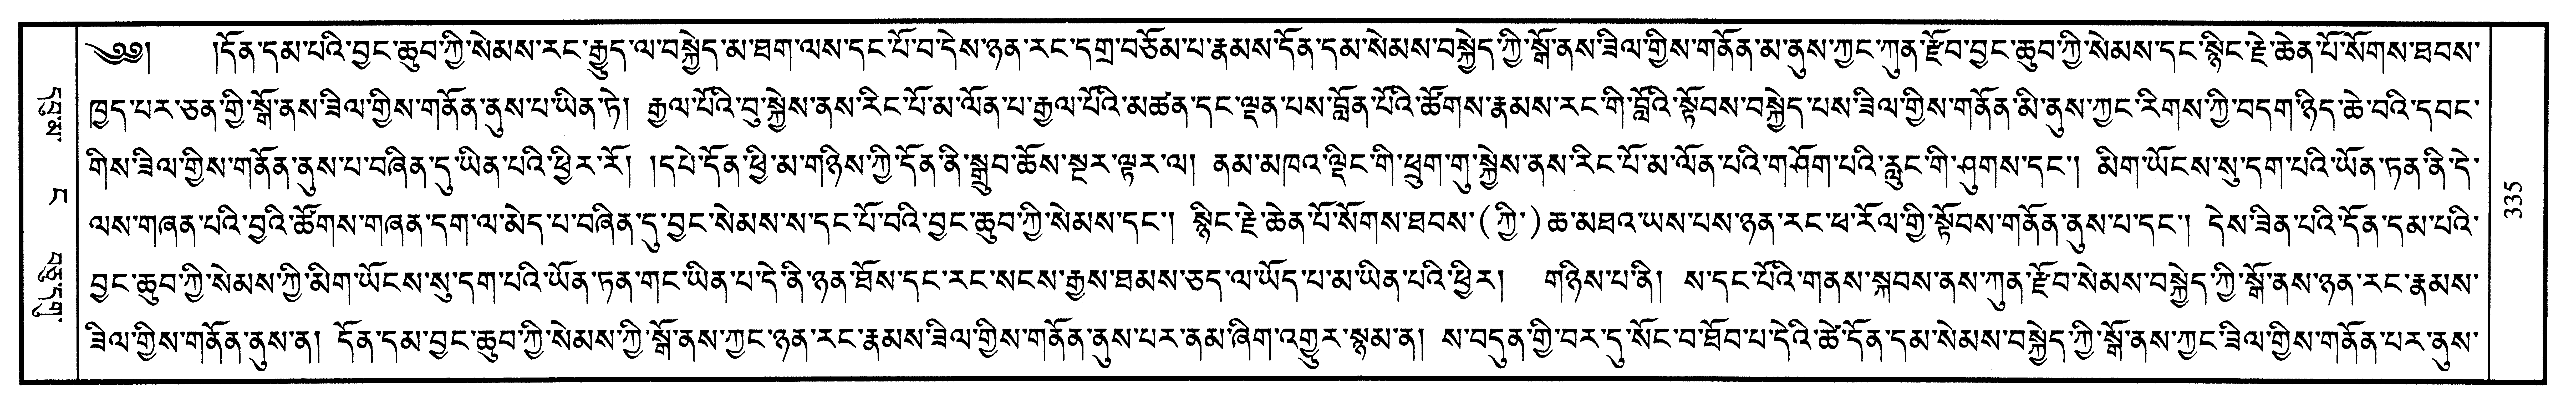༄༅། །དོན་དམ་པའི་བྱང་ཆུབ་ཀྱི་སེམས་རང་རྒྱུད་ལ་བསྐྱེད་མ་ཐག་ལས་དང་པོ་བ་དེས་ཉན་རང་དགྲ་བཅོམ་པ་རྣམས་དོན་དམ་སེམས་བསྐྱེད་ཀྱི་སྒོ་ནས་ཟིལ་གྱིས་གནོན་མ་ནུས་ཀྱང་ཀུན་རྫོབ་བྱང་ཆུབ་ཀྱི་སེམས་དང་སྙིང་རྗེ་ཆེན་པོ་སོགས་ཐབས་
ཁྱད་པར་ཅན་གྱི་སྒོ་ནས་ཟིལ་གྱིས་གནོན་ནུས་པ་ཡིན་ཏེ། རྒྱལ་པོའི་བུ་སྐྱེས་ནས་རིང་པོ་མ་ལོན་པ་རྒྱལ་པོའི་མཚན་དང་ལྡན་པས་བློན་པོའི་ཚོགས་རྣམས་རང་གི་བློའི་སྟོབས་བསྐྱེད་པས་ཟིལ་གྱིས་གནོན་མི་ནུས་ཀྱང་རིགས་ཀྱི་བདག་ཉིད་ཆེ་བའི་དབང་
གིས་ཟིལ་གྱིས་གནོན་ནུས་པ་བཞིན་དུ་ཡིན་པའི་ཕྱིར་རོ། །དཔེ་དོན་ཕྱི་མ་གཉིས་ཀྱི་དོན་ནི་སྒྲུབ་ཆོས་སྔར་ལྟར་ལ། ནམ་མཁའ་ལྡིང་གི་ཕྲུག་གུ་སྐྱེས་ནས་རིང་པོ་མ་ལོན་པའི་གཤོག་པའི་རླུང་གི་ཤུགས་དང་། མིག་ཡོངས་སུ་དག་པའི་ཡོན་ཏན་ནི་དེ་
ལས་གཞན་པའི་བྱའི་ཚོགས་གཞན་དག་ལ་མེད་པ་བཞིན་དུ་བྱང་སེམས་ས་དང་པོ་པའི་བྱང་ཆུབ་ཀྱི་སེམས་དང་། སྙིང་རྗེ་ཆེན་པོ་སོགས་ཐབས་ཀྱི་ཆ་མཐའ་ཡས་པས་ཉན་རང་ཕ་རོལ་གྱི་སྟོབས་གནོན་ནུས་པ་དང་། དེས་ཟིན་པའི་དོན་དམ་པའི་
བྱང་ཆུབ་ཀྱི་སེམས་ཀྱི་མིག་ཡོངས་སུ་དག་པའི་ཡོན་ཏན་གང་ཡིན་པ་དེ་ནི་ཉན་ཐོས་དང་རང་སངས་རྒྱས་ཐམས་ཅད་ལ་ཡོད་པ་མ་ཡིན་པའི་ཕྱིར། གཉིས་པ་ནི། ས་དང་པོའི་གནས་སྐབས་ནས་ཀུན་རྫོབ་སེམས་བསྐྱེད་ཀྱི་སྒོ་ནས་ཉན་རང་རྣམས་
ཟིལ་གྱིས་གནོན་ནུས་ན། དོན་དམ་བྱང་ཆུབ་ཀྱི་སེམས་ཀྱི་སྒོ་ནས་ཀྱང་ཉན་རང་རྣམས་ཟིལ་གྱིས་གནོན་ནུས་པར་ནམ་ཞིག་འགྱུར་སྙམ་ན། ས་བདུན་གྱི་བར་དུ་སོང་བ་ཐོབ་པ་དེའི་ཚེ་དོན་དམ་སེམས་བསྐྱེད་ཀྱི་སྒོ་ནས་ཀྱང་ཟིལ་གྱིས་གནོན་པར་ནུས་